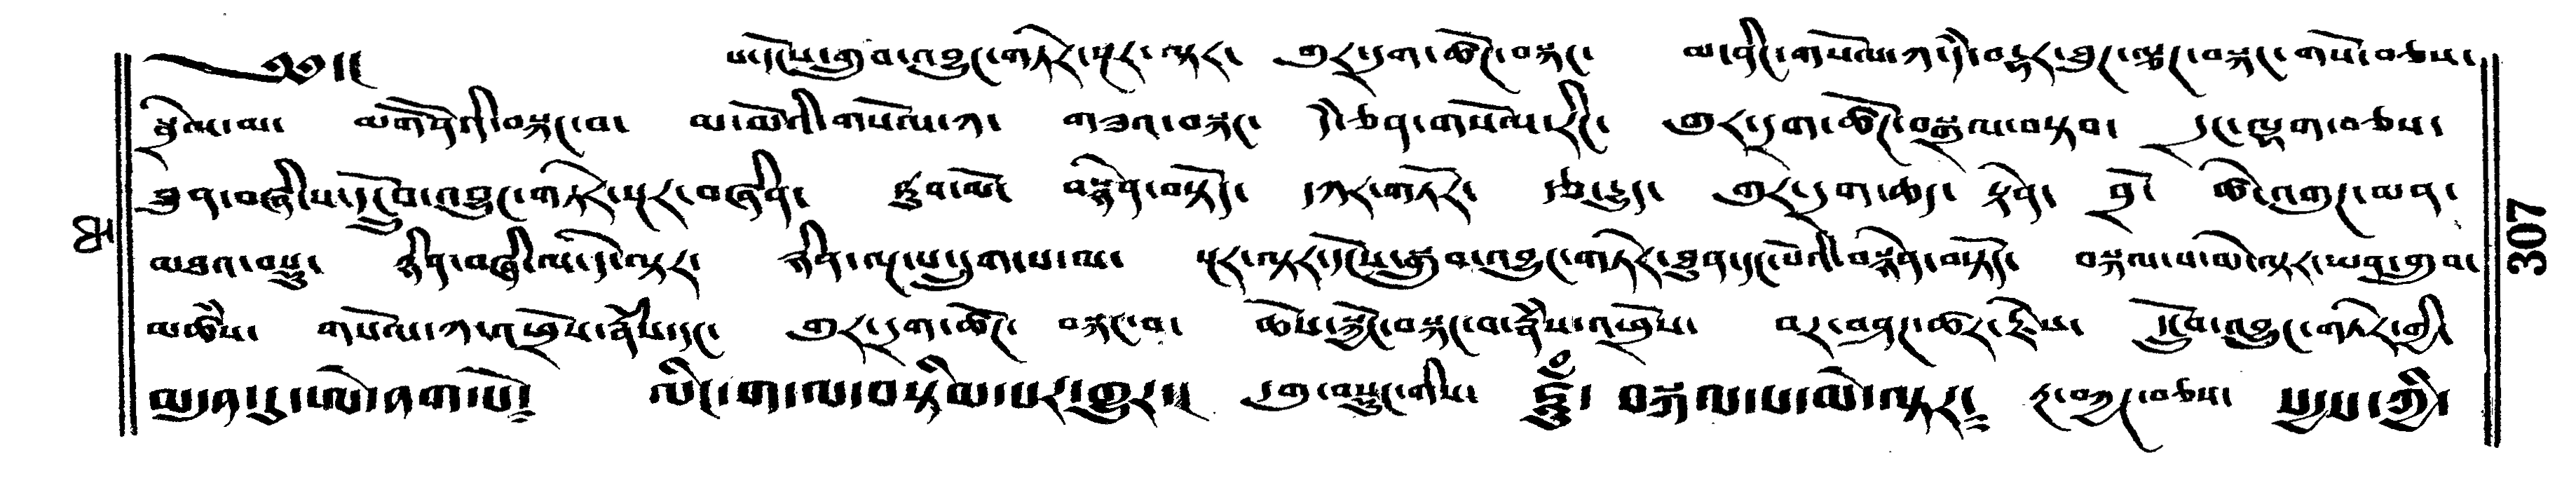པ་དངོས་གྲུབ་འབྱུང་གཏེར་སྔར་ལྟར། གུར་དྲག་ཚོགས་སྐོང་། མ་ནིང་གསོལ་ཀ་དམ་བརྡར་ཐུགས་ལྕགས་བསྐང་གསོ་བཅས་
སྦྲེལ་མ། མགོན་པོའི་སྐོང་བ། མ་མོའི་གསོལ་ཀ གཟའ་སྐོང་། དམ་ཅན་གསོལ་རིང་། གུར་དྲག་ཚོགས་བསྒྲལ་བསྟབ། དྲང་ལྷག་བཅས། 
ཐུན་བཞི་པ་དངོས་གྲུབ་འབྱུང་གཏེར་སྔར་བཞིན། ནུབ་མོ། བསྙེན་བསྟོད། དཀར་གཏོར།རྩ་རྒྱུད། གུར་དྲག་ཆད་བསྟན། བྲོ། ཚེ་འགུགས་མན་
མཐའ་བསྡུ། ཉིན་བཞི་ལ་དེ་ལྟར། ཉིན་ལྔ་པ་དྲུག་པ་ལ། སྔར་ལྟར་དངོས་སྒྲུབ་འབྱུང་གཏེར་ཐུན་དང་པོའི་བསྙེན་བསྟོད། བསྐལ་པ་མེ་ལྟར་ཡན་གྲུབ་
མཚམས། གསོལ་ཀ་འཕྲོས་རྣམས་དང་། གུར་དྲག་ཚོགས། བསྐང་བ། ཆོས་སྐྱོང་བསྐང་བ་རྣམས་འཕྲོས། བར་བཤགས་ཚར་རྗེས། དངོས་གྲུབ་འབྱུང་གཏེར་གྱི། 
མདུན་དུ་ཨེ་ནག་པོ༴ ལིང་ག་ལ་བསྟིམ་པར་གྱུར། དགུ་རྡུང་གིས། ཧཱུྃ། བསྐལ་པ་མེ་ལྟར༴ རྔ་བཀྱགས་བཅས། སངས་ཀྱི་